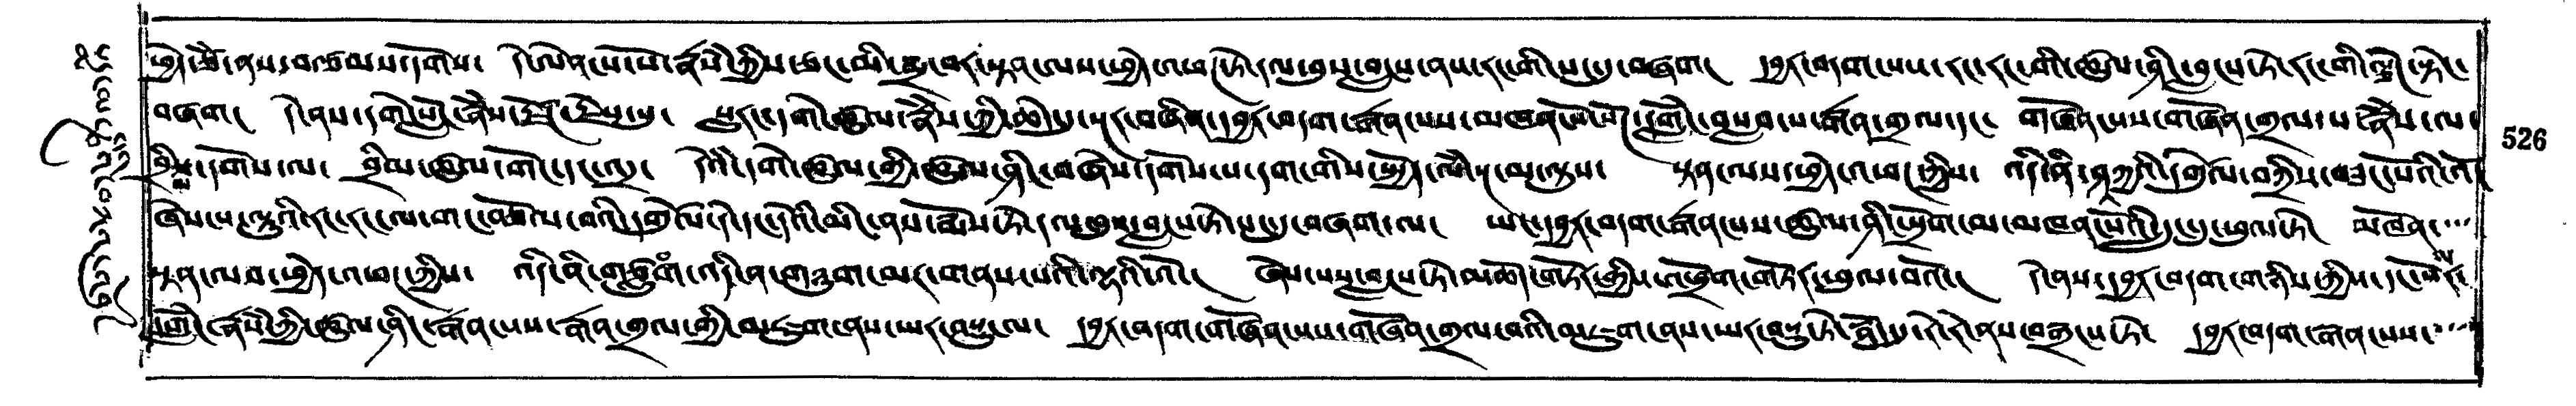ཕྱེད་ཙམ་ནས་བརྩམས་དགོས། དེ་ལེན་པ་པོ་རྣམས་ཀྱིས་ཅང་མི་སྨྲ་བར་སྟན་ལས་ཕྱེད་འཕགས་ཏེ་དལ་བུས་བླངས་ནས་རང་གི་པང་དུ་བཞག དབྱར་བདག་པས་རང་རང་གི་ཚུལ་ཤིང་བླངས་ཏེ་རང་གི་ལྕོག་སྟེང་
བཞག དེ་ནས་དགེ་སློང་རྣམས་རྫོགས་རྗེས་སུ། སླར་ཡང་དགེ་ཚུལ་རྣམས་ཀྱི་ཆེད་དུ་སྔར་བཞིན་དབྱར་བདག་རྒན་པས་མཁན་པོ་སོགས་དགེ་སློང་བསླབ་པ་རྒན་གྲལ་དང་། གཞོན་པས་གཞོན་གྲལ་རྣམས་ལ་
བྲིམ་དགོས་ལ། བྲིམ་ཚུལ་གོང་དང་འདྲ། དེའི་དགེ་ཚུལ་གྱི་ཚུལ་ཤིང་བཞེས་དགོས་པ་དག་གིས་སྤྱོད་ལམ་སྔ་མ་ལྟ་བུས། སྟན་ལས་ཕྱེད་འཕགས་ཀྱིས། འདི་ནི་ཤཱཀྱའི་དགེ་ཚུལ་བཀྲ་ཤིས་བཟང་པོའི་འོ། 
ཞེས་པ་ལྟ་བུའི་རང་རང་ལ་གང་བཅོལ་བའི་དགེ་ཚུལ་དེ་དང་དེའི་མིང་ནས་སྨོས་ཏེ་དལ་བུས་བླངས་ཏེ་པང་དུ་བཞག་ལ། ཡང་དབྱར་བདག་རྒན་པས་ཚུལ་ཤིང་སྲོག་མ་མཁན་པོའི་དྲུང་དུ་ཕུལ་ཏེ། མཁན་པོས་
སྟན་ལས་ཕྱེད་འཕགས་ཀྱིས། འདི་ནི་གཙུག་ལག་ཁང་འདི་ན་གཉུག་མར་གནས་པའི་ལྷའི་འོ།། ཞེས་པས་བླངས་ཏེ་མཆོད་གཏོར་གྱིས་འཕྲོག་གཏོར་ཕུལ་བའོ།།དེ་ནས་དབྱར་བདག་གཉིས་ཀྱིས་དང་པོར་
དགེ་སློང་རྣམས་ཀྱི་ཚུལ་ཤིང་རྒན་པས་རྒན་གྲལ་གྱི་མཇུག་ནས་ཡར་བསྡུ་ལ། དབྱར་བདག་གཞོན་པས་གཞོན་གྲལ་བའི་མཇུག་ནས་ཡར་བསྡུས་ཏེ་སྣོད་དུ་རེ་རེ་ནས་བསྒྲངས་ཏེ། དབྱར་བདག་རྒན་པས་